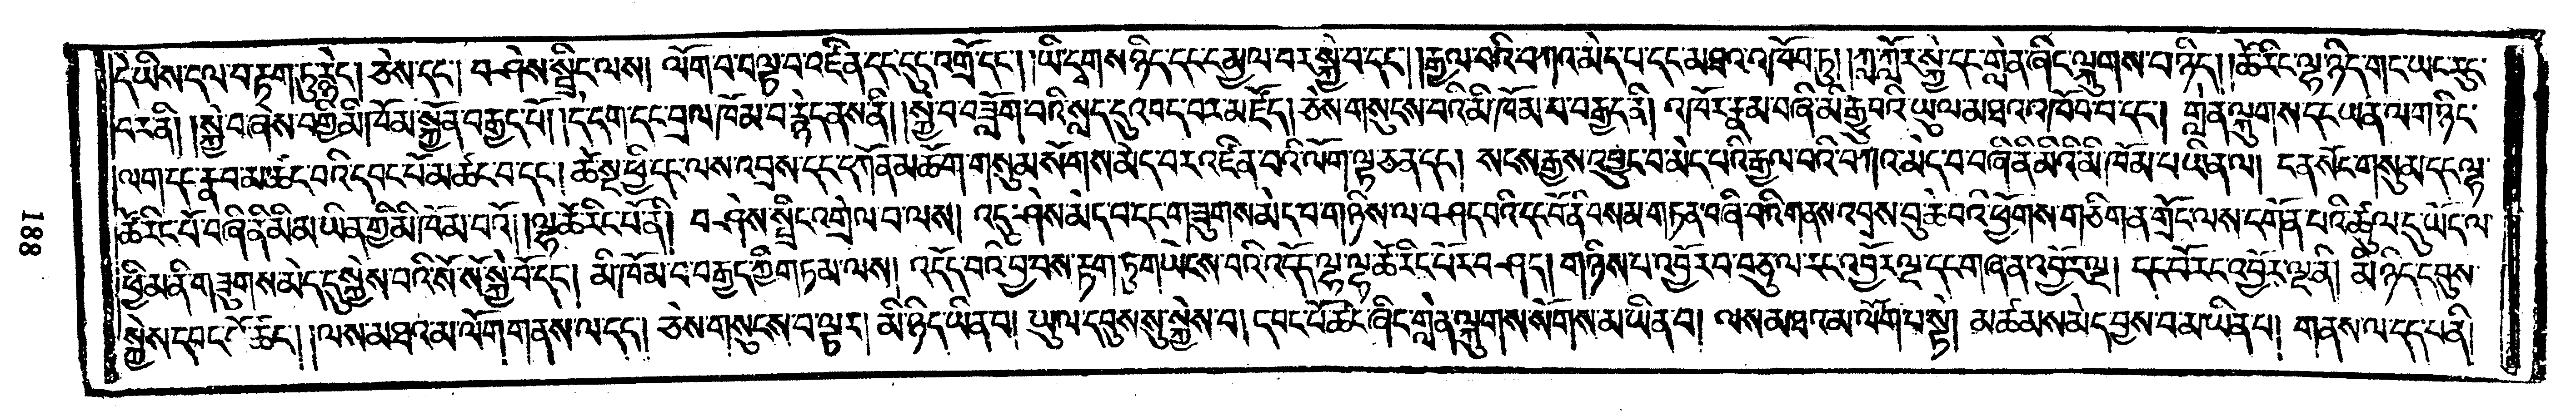དེ་ཡིས་དལ་བ་རྟག་ཏུ་རྙེད། ཅེས་དང་། བཤེས་སྦྲིང་ལས། ལོག་བ་བལྟ་བ་འཛིན་དང་དུད་འགྲོ་དང་། །ཡི་དྭགས་ཉིད་དང་དམྱལ་བར་སྐྱེས་བ་དང་། །རྒྱལ་བའི་བཀའ་མེད་པ་དང་མཐའ་འཁོབ་ཏུ། །ཀླ་ཀློར་སྐྱེ་དང་གླེན་ཞིང་ལྐུགས་བ་ཉིད། །ཚེ་རིང་ལྷ་ཉིད་གང་ཡང་རུང་
བར་ནི། །སྐྱེ་བ་ཞེས་བགྱི་མི་ཁོམ་སྐྱོན་བརྒྱད་པོ། །དེ་དག་དང་བྲལ་ཁོམ་བ་རྙེད་ནས་ནི། །སྐྱེ་བ་བཟློག་བའི་སླད་དུ་འབད་བར་མཛོད། ཅེས་གསུངས་བའི་མི་ཁོམ་པ་བརྒྱད་ནི། འཁོར་རྣམ་བཞི་མི་རྒྱུ་བའི་ཡུལ་མཐའ་འཁོབ་བ་དང་། གླེན་ལྐུགས་དང་ཡན་ལག་ཉིད་
ལག་དང་རྣ་བ་མཚང་བའི་དབང་པོ་མཚང་བ་དང་། ཚེ་སྔ་ཕྱི་དང་ལས་འབྲས་དང་དཀོན་མཆོག་གསུམ་སོགས་མེད་བར་འཛིན་བའི་ལོག་ལྟ་ཅན་དང་། སངས་རྒྱས་འབྱུང་བ་མེད་པའི་རྒྱལ་བའི་བཀའ་མེད་བ་བཞི་ནི་མིའི་མི་ཁོམ་པ་ཡིན་ལ། ངན་སོང་གསུམ་དང་ལྷ་
ཚོ་རིང་པོ་བཞི་ནི་མི་མ་ཡིན་གྱི་མི་ཁོམ་བའོ། །ལྷ་ཚེ་རིང་པོ་ནི། བཤེས་སྤྲིང་འགྲེལ་བ་ལས། འདུ་ཤེས་མེད་བ་དང་གཟུགས་མེད་བ་གཉིས་ལ་བཤད་པའི་དང་པོ་ནི་བསམ་གཏན་བཞི་བའི་གནས་འབྲས་བུ་ཆེ་བའི་ཕྱོགས་གཅིག་ན་གྲོང་ལས་དགོན་པའི་ཚུལ་དུ་ཡོད་ལ་
ཕྱི་མ་ནི་གཟུགས་མེད་དུ་སྐྱེས་བའི་སོ་སོ་སྐྱེ་བོ་དང་། མི་ཁོམ་བ་བརྒྱད་ཀྱི་གཏམ་ལས། འདོད་བའི་བྱ་བས་རྟག་ཏུ་གཡེངས་བའི་འདོད་ལྷ་ལྷ་ཚེ་རིང་པོར་བཤད། གཉིས་པ་འབྱོར་བ་བཅུ་ལ་རང་འབྱོར་ལྔ་དང་གཞན་འབྱོར་ལྔ། དང་པོ་རང་འབྱོར་ལྔ་ནི། མི་ཉིད་དབུས་
སྐྱེས་དབང་པོ་ཚང་། །ལས་མཐའ་མ་ལོག་གནས་ལ་དད། ཅེས་གསུངས་བ་ལྟར། མི་ཉིད་ཡིན་བ། ཡུལ་དབུས་སུ་སྐྱེས་བ། དབང་པོ་ཚང་ཞིང་གླེན་ལྐུགས་སོགས་མ་ཡིན་པ། ལས་མཐའ་མ་ལོག་པ་སྟེ། མཚམས་མེད་བྱས་བ་མ་ཡིན་པ། གནས་ལ་དད་པ་ནི།